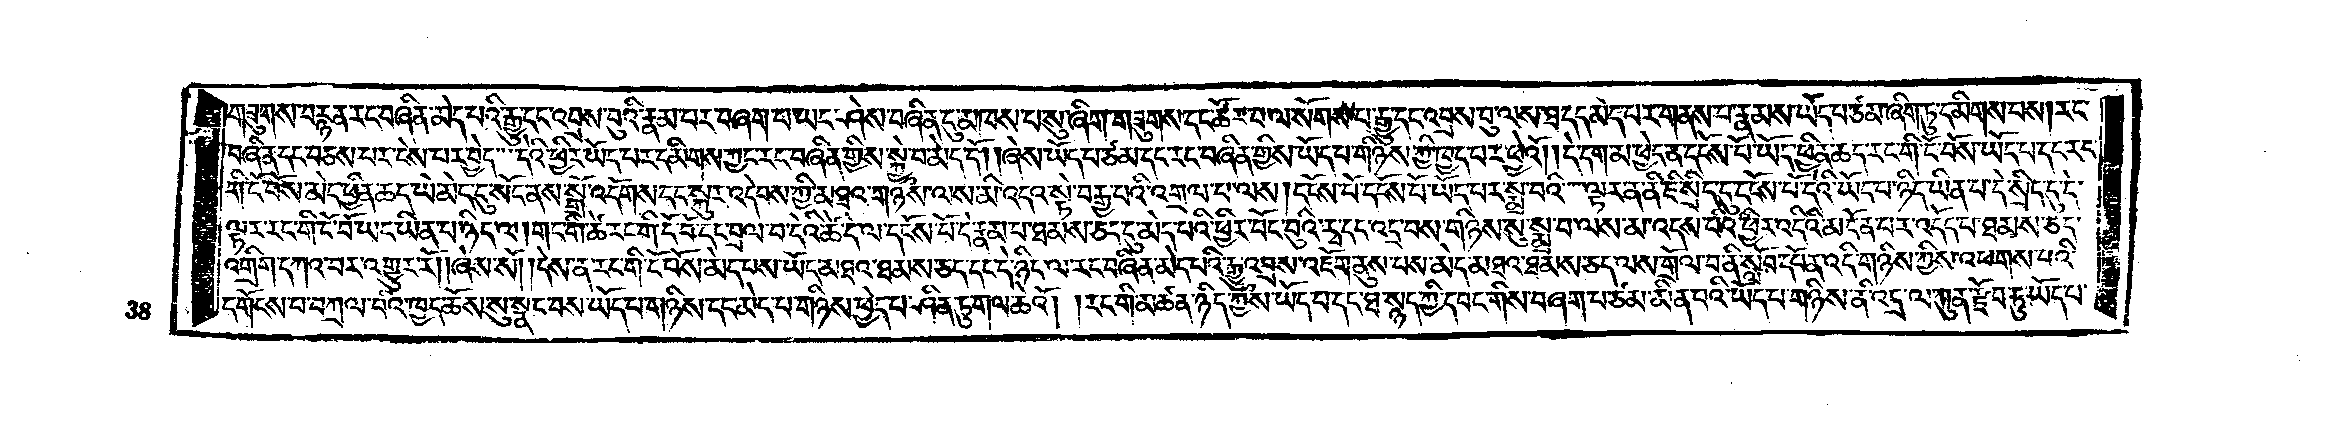གཟུགས་བརྙན་རང་བཞིན་མེད་པའི་རྒྱུ་དང་འབྲས་བུའི་རྣམ་པར་བཞག་པ་ཡང་ཤེས་བཞིན་དུ་མཁས་པ་སུ་ཞིག་གཟུགས་དང་ཚོར་བ་ལ་སོགས་པ་རྒྱུ་དང་འབྲས་བུ་ལས་ཐ་དད་མེད་པར་གནས་པ་རྣམས་ཡོད་པ་ཙམ་ཞིག་ཏུ་དམིགས་པས། རང་
བཞིན་དང་བཅས་པར་ངེས་པར་བྱེད་དེའི་ཕྱིར་ཡོད་པར་དམིགས་ཀྱང་རང་བཞིན་གྱིས་སྐྱེ་བ་མེད་དོ། །ཞེས་ཡོད་པ་ཙམ་དང་རང་བཞིན་གྱིས་ཡོད་པ་གཉིས་ཀྱི་ཁྱད་པར་ཕེའོ། །དེ་དག་མ་ཕྱེད་ན་དངོས་པོ་ཡོད་ཕྱིན་ཆད་རང་གི་ངོ་བོས་ཡོད་པ་དང་རང་
གི་ངོ་བོས་མེད་ཕྱིན་ཆད་ཡེ་མེད་དུ་སོང་ནས་སྒྲོ་འདོགས་དང་སྐུར་འདེབས་ཀྱི་མཐའ་གཉིས་ལས་མི་འདའ་སྟེ་བརྒྱ་བའི་འགྲལ་པ་ལས། དངོས་པོ་དངོས་པོ་ཡོད་པར་སྨྲ་བའི་ལྟར་ན་ནི་ཇི་སྲིད་དུ་དངོས་པོ་དེའི་ཡོད་པ་ཉིད་ཡིན་པ་དེ་སྲིད་དུ་དེ་
ལྟར་རང་གི་ངོ་བོ་ཡང་ཡིན་པ་ཉིད་ལ། གང་གི་ཚེ་རང་གི་ངོ་བོར་དང་བྲལ་བ་དེའི་ཚེ་དེ་ལ་དངོས་པོ་དེ་རྣམ་པ་ཐམས་ཅད་དུ་མེད་པའི་ཕྱིར་བོང་བུའི་རྭ་དང་འདྲ་བས་གཉིས་སུ་སྨྲ་བ་ལས་མ་འདས་པའི་ཕྱིར་འདིའི་མངོན་པར་འདོད་པ་ཐམས་ཅད་
འགྲིག་དཀའ་བར་འགྱུར་རོ། །ཞེས་སོ། །དེས་ན་རང་གི་ངོ་བོས་མེད་པས་ཡོད་མཐའ་ཐམས་ཅད་དང་དེ་ཉིད་ལ་རང་བཞིན་མེད་པའི་རྒྱུ་འབྲས་འཇོག་ནུས་པས་མེད་མཐའ་ཐམས་ཅད་ལས་གྲོལ་བ་ནི་སློབ་དཔོན་འདི་གཉིས་ཀྱིས་འཕགས་པའི་
དགོངས་པ་བརྐལ་བའི་ཁྱད་ཆོས་སུ་སྣང་བས་ཡོད་པ་གཉིས་དང་མེད་པ་གཉིས་ཕྱེད་པ་ཤིན་ཏུ་གལ་ཆེའོ། །རང་གི་མཚན་ཉིད་ཀྱིས་ཡོད་པ་དང་ཐ་སྙད་ཀྱི་དབང་གིས་བཞག་པ་ཙམ་མིན་པའི་ཡོད་པ་གཉིས་ནི་འདྲ་ལ་ཀུན་རྫོབ་ཏུ་ཡོད་པ་